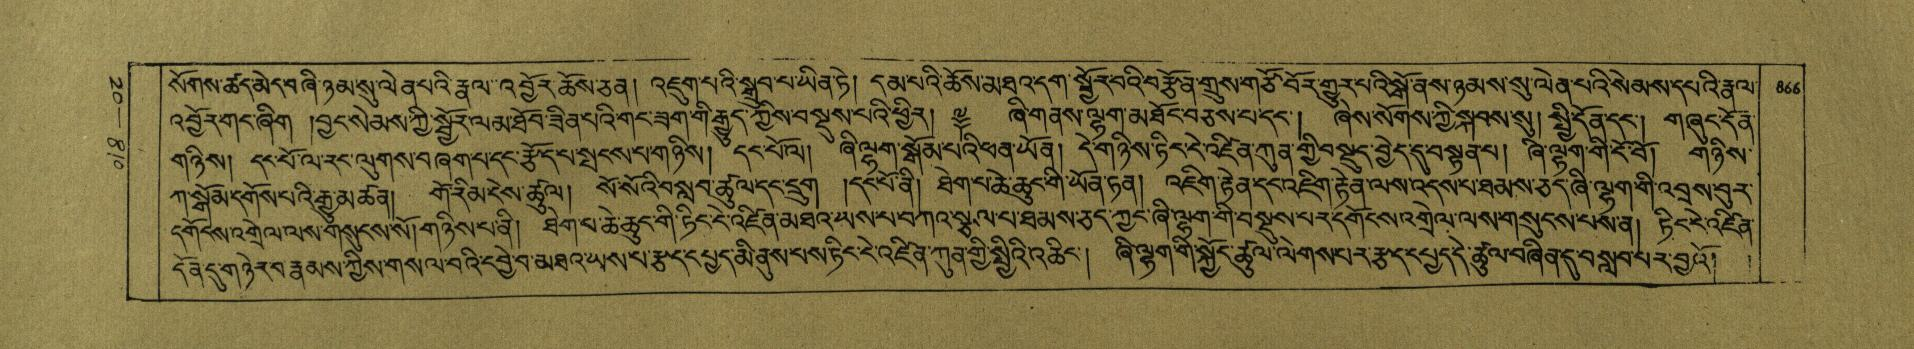སོགས་ཚད་མེད་བཞི་ཉམ་སུ་ལེན་པའི་རྣལ་འབྱོར་ཆོས་ཅན། འཇུག་པའི་སྒྲུབ་པ་ཡིན་ཏེ། དམ་པའི་ཆོས་མཐའ་དག་སྦྱོར་བའི་བརྩོན་གྲུས་གཙོ་བོར་གྱུར་པའི་སྒོ་ནས་ཉམས་སུ་ལེན་པའི་སེམས་དཔའི་རྣལ་
འབྱོར་གང་ཞིག །བྱང་སེམས་ཀྱི་སྦྱོར་ལམ་ཐོབ་ཟིན་པའི་གང་ཟག་གི་རྒྱུད་ཀྱིས་བསྡུས་པའི་ཕྱིར། ༈ ཞི་གནས་ལྷག་མཐོང་བཅས་པ་དང་། ཞེས་སོགས་ཀྱི་སྐབས་སུ། སྤྱི་དོན་དང་། གཞུང་དོན་
གཉིས། དང་པོ་ལ་རང་ལུགས་བཞག་པ་དང་རྩོད་པ་སྤངས་པ་གཉིས། དང་པོ་ལ། ཞི་ལྷག་སྒོམ་པའི་ཕན་ཡོན། དེ་གཉིས་ཏིང་ངེ་འཛིན་ཀུན་གྱི་བསྡུད་བྱེད་དུ་བསྟན་པ། ཞི་ལྷག་གི་ངོ་བོ། གཉིས་
ཀ་སྒོམ་དགོས་པའི་རྒྱུ་མཚན། གོ་རིམ་ངེས་ཚུལ། སོ་སོའི་བསླབ་ཚུལ་དང་དྲུག །དང་པོ་ནི། ཐེག་པ་ཆེ་ཆུང་གི་ཡོན་ཏན། འཇིག་རྟེན་དང་འཇིག་རྟེན་ལས་འདས་པ་ཐམས་ཅད་ཞི་ལྷག་གི་འབྲས་བུར་
དགོངས་འགྲེལ་ལས་གསུངས་སོ། གཉིས་པ་ནི། ཐེག་པ་ཆེ་ཆུང་གི་ཏིང་ངེ་འཛིན་མཐའ་ཡས་པ་བཀའ་སྩལ་པ་ཐམས་ཅད་ཀྱང་ཞི་ལྷག་གི་བསྡུས་པར་དགོངས་འགྲེལ་ལས་གསུངས་པས་ན། ཏིང་ངེ་འཛིན་
དོན་དུ་གཉེར་བ་རྣམས་ཀྱིས་གསལ་བའི་དབྱེ་བ་མཐའ་ཡས་པ་རྩ་དང་དཔྱད་མི་ནུས་པས་ཏིང་ངེ་འཛིན་ཀུན་གྱི་སྤྱིའི་འཆིང་། ཞི་ལྷག་གི་སྐྱོང་ཚུལ་ལེགས་པར་རྩད་དཔྱད་དེ་ཚུལ་བཞིན་དུ་བསླབ་པར་བྱའོ། །